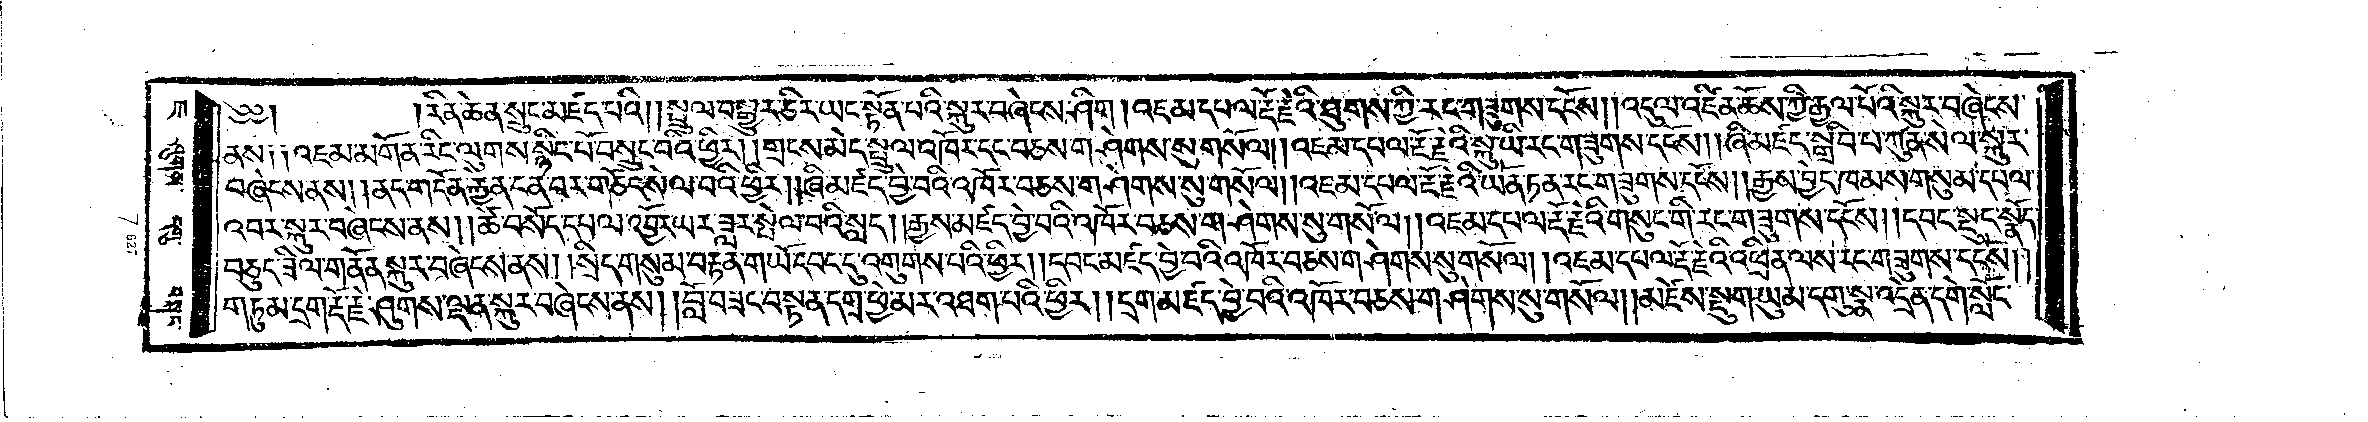༄༅། །རིན་ཆེན་སྲུང་མཛད་པའི། །སྤྲུལ་བསྒྱུར་ཅིར་ཡང་སྟོན་པའི་སྐུར་བཞེངས་ཤིག །འཇམ་དཔལ་རྡོ་རྗེའི་ཐུགས་ཀྱི་རང་གཟུགས་དངོས། །འདུལ་འཛིན་ཆོས་ཀྱི་རྒྱལ་པོའི་སྐུར་བཞེངས་
ནས༑ ༑འཇམ་མགོན་རིང་ལུགས་སྙིང་པོ་བསྲུང་བའི་ཕྱིར། །གྲངས་མེད་སྤྲུལ་འཁོར་དང་བཅས་གཤེགས་སུ་གསོལ། །འཇམ་དཔལ་རྡོ་རྗེའི་སྐུ་ཡི་རང་གཟུགས་དངོས། །ཞི་མཛད་སྒྲིབ་པ་ཀུན་སེལ་སྐུར་
བཞེངས་ནས། །ནད་གདོན་རྐྱེན་ངན་བར་གཅོད་སེལ་བའི་ཕྱིར། །ཞི་མཛད་ཕྱེ་བའི་འཁོར་བཅས་གཤེགས་སུ་གསོལ། །འཇམ་དཔལ་རྡོ་རྗེའི་ཡོན་ཏན་རང་གཟུགས་དངོས། །རྒྱས་བྱེད་ཁམས་གསུམ་དཔལ་
འབར་སྐུར་བཞེངས་ནས། །ཚ་བསོད་དཔལ་འབྱོར་ཡར་ཟླར་སྤེལ་བའི་སླད། །རྒྱས་མཛད་བྱེ་བའི་འཁོར་བཅས་གཤེགས་སུ་གསོལ། །འཇམ་དཔལ་རྡོ་རྗེའི་གསུང་གི་རང་གཟུགས་དངོས། །དབང་སྡུད་སྣོད་
བཅུད་ཟིལ་གནོན་སྐུར་བཞེངས་ནས། །སྲིད་གསུམ་བརྟན་གཡོ་དབང་དུ་འགུགས་པའི་ཕྱིར། །དབང་མཛད་བྱེ་བའི་འཁོར་བཅས་གཤེགས་སུ་གསོལ། །འཇམ་དཔལ་རྡོ་རྗེའི་འཕྲིན་ལས་རང་གཟུགས་དངོས། །
གཏུམ་དྲག་རྡོ་རྗེ་ཤུགས་ལྡན་སྐུར་བཞེངས་ནས། །བློ་བཟང་བསྟན་དགྲ་ཕྱེ་མར་འཐག་པའི་ཕྱིར། །དྲག་མཛད་བྱེ་བའི་འཁོར་བཅས་གཤེགས་སུ་གསོལ། །མཛེས་སྡུག་ཡུམ་དགུ་སྣ་འདྲེན་དགེ་སློང་